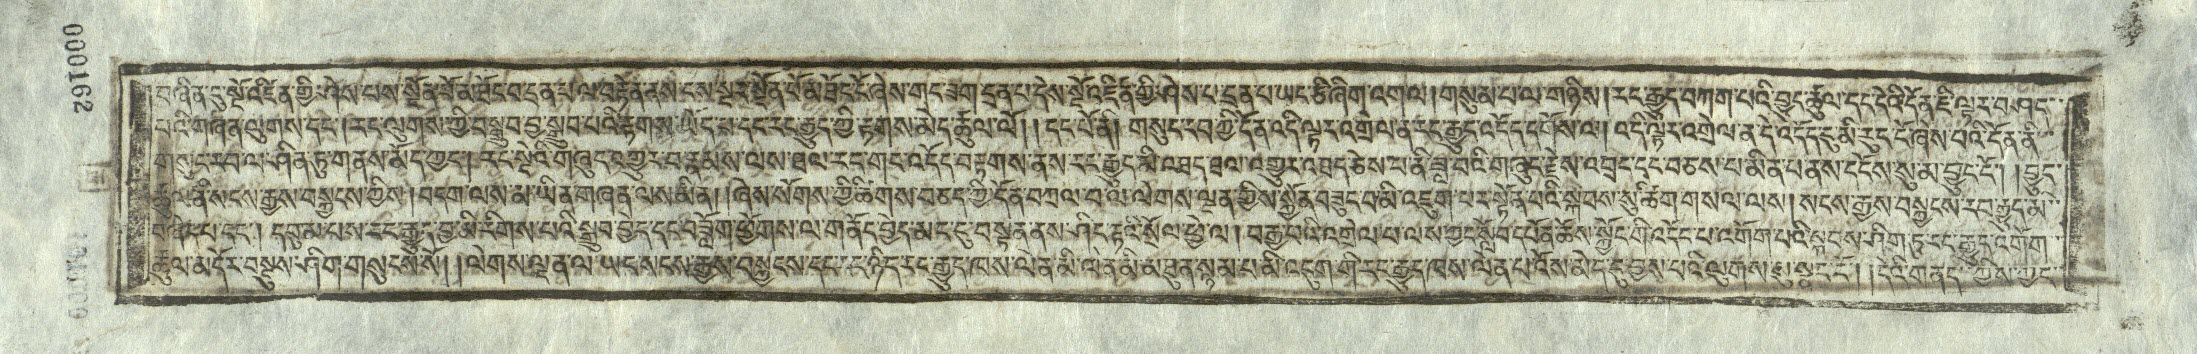བཞིན་དུ་སྔོ་འཛིན་གྱི་ཤེས་པས་སྔོན་པོ་མཐོང་བ་དྲན་པ་ལ་བརྟེན་ནས་ངས་སྔར་སྔོན་པོ་མཐོང་ངོ་ཞེས་གང་ཟག་དྲན་པ་དེས་སྔོ་འཛིན་གྱི་ཤེས་པ་དྲན་པ་ཡང་ཅི་ཞིག་འགལ། གསུམ་པ་ལ་གཉིས། རང་རྒྱུད་བཀག་པའི་བྱུང་ཚུལ་དང་དེའི་དོན་ཇི་ལྟར་བཤད་
པའི་གཞན་ལུགས་དང་། རང་ལུགས་ཀྱི་བསྐྲུབ་བྱ་སྒྲུབ་པའི་རྟགས་ཡོད་པ་དང་རང་རྒྱུད་ཀྱི་རྟགས་མེད་ཚུལ་ལོ། །དང་པོ་ནི། གསུང་རབ་ཀྱི་དོན་འདི་ལྟར་འགྲལ་ན་རང་རྒྱུད་འདོད་དགོས་ལ། འདི་ལྟར་འགྲེལ་ན་དེ་འདོད་དུ་མི་རུང་ངོ་ཞེས་པའི་དོན་ནི་
གསུང་རབ་ལ་ཤིན་ཏུ་གནས་མོད་ཀྱང་། རང་སྡེའི་གཞུང་འགྱུར་བ་རྣམས་ལས་ཐལ་རང་གང་འདོད་བརྟགས་ནས་རང་རྒྱུད་མི་འཐད་ཐལ་འགྱུར་འཐད་ཅེས་པ་ནི་ཟླ་བའི་གཞུང་རྗེས་འབྲང་དང་བཅས་པ་མིན་པ་ནས་དངོས་སུ་མ་བྱུང་ངོ། །བྱུང་
ཚུལ་ནི་སངས་རྒྱས་བསྐྱངས་ཀྱིས། བདག་ལས་མ་ཡིན་གཞན་ལས་མིན། །ཞེས་སོགས་ཀྱི་ཚིགས་བཅད་ཀྱི་དོན་བཀྲལ་བ་ལ་ལེགས་ལྡན་གྱིས་སྐྱོན་བཟུང་བ་མི་འཇུག་པར་སྟོན་པའི་སྐབས་སུ་ཚིག་གསལ་ལས། སངས་རྒྱས་བསྐྱངས་རང་རྒྱུད་མི་
བཞེད་པ་དང་། དབུ་མ་པས་རང་རྒྱུད་བྱ་མི་རིགས་པའི་སྒྲུབ་བྱེད་དང་བཟློག་ཕྱོགས་ལ་གནོད་བྱེད་མང་དུ་བསྟན་ནས་ཤིང་རྟའི་སྲོལ་ཕྱེ་ལ། བརྒྱ་པའི་འགྲེལ་པ་ལས་ཀྱང་སློབ་དཔོན་ཆོས་སྐྱོང་གི་འདོད་པ་འགོག་པའི་སྐབས་ཤིག་ཏུ་རང་རྒྱུད་འགོག་
ཚུལ་མདོར་བསྡུས་ཤིག་གསུངས་སོ། །ལེགས་ལྡན་ལ་ཡང་སངས་རྒྱས་བསྐྱངས་དང་རང་ཉིད་རང་རྒྱུད་ཁས་ལེན་མི་ལེན་མི་མཐུན་སྙམ་པ་མི་འདུག་གི་རང་རྒྱུད་ཁས་ལེན་པ་འོས་མེད་དུ་བྱས་པའི་ལུགས་སུ་སྣང་ངོ། །དེའི་གནད་ཀྱིས་ཀྱང་